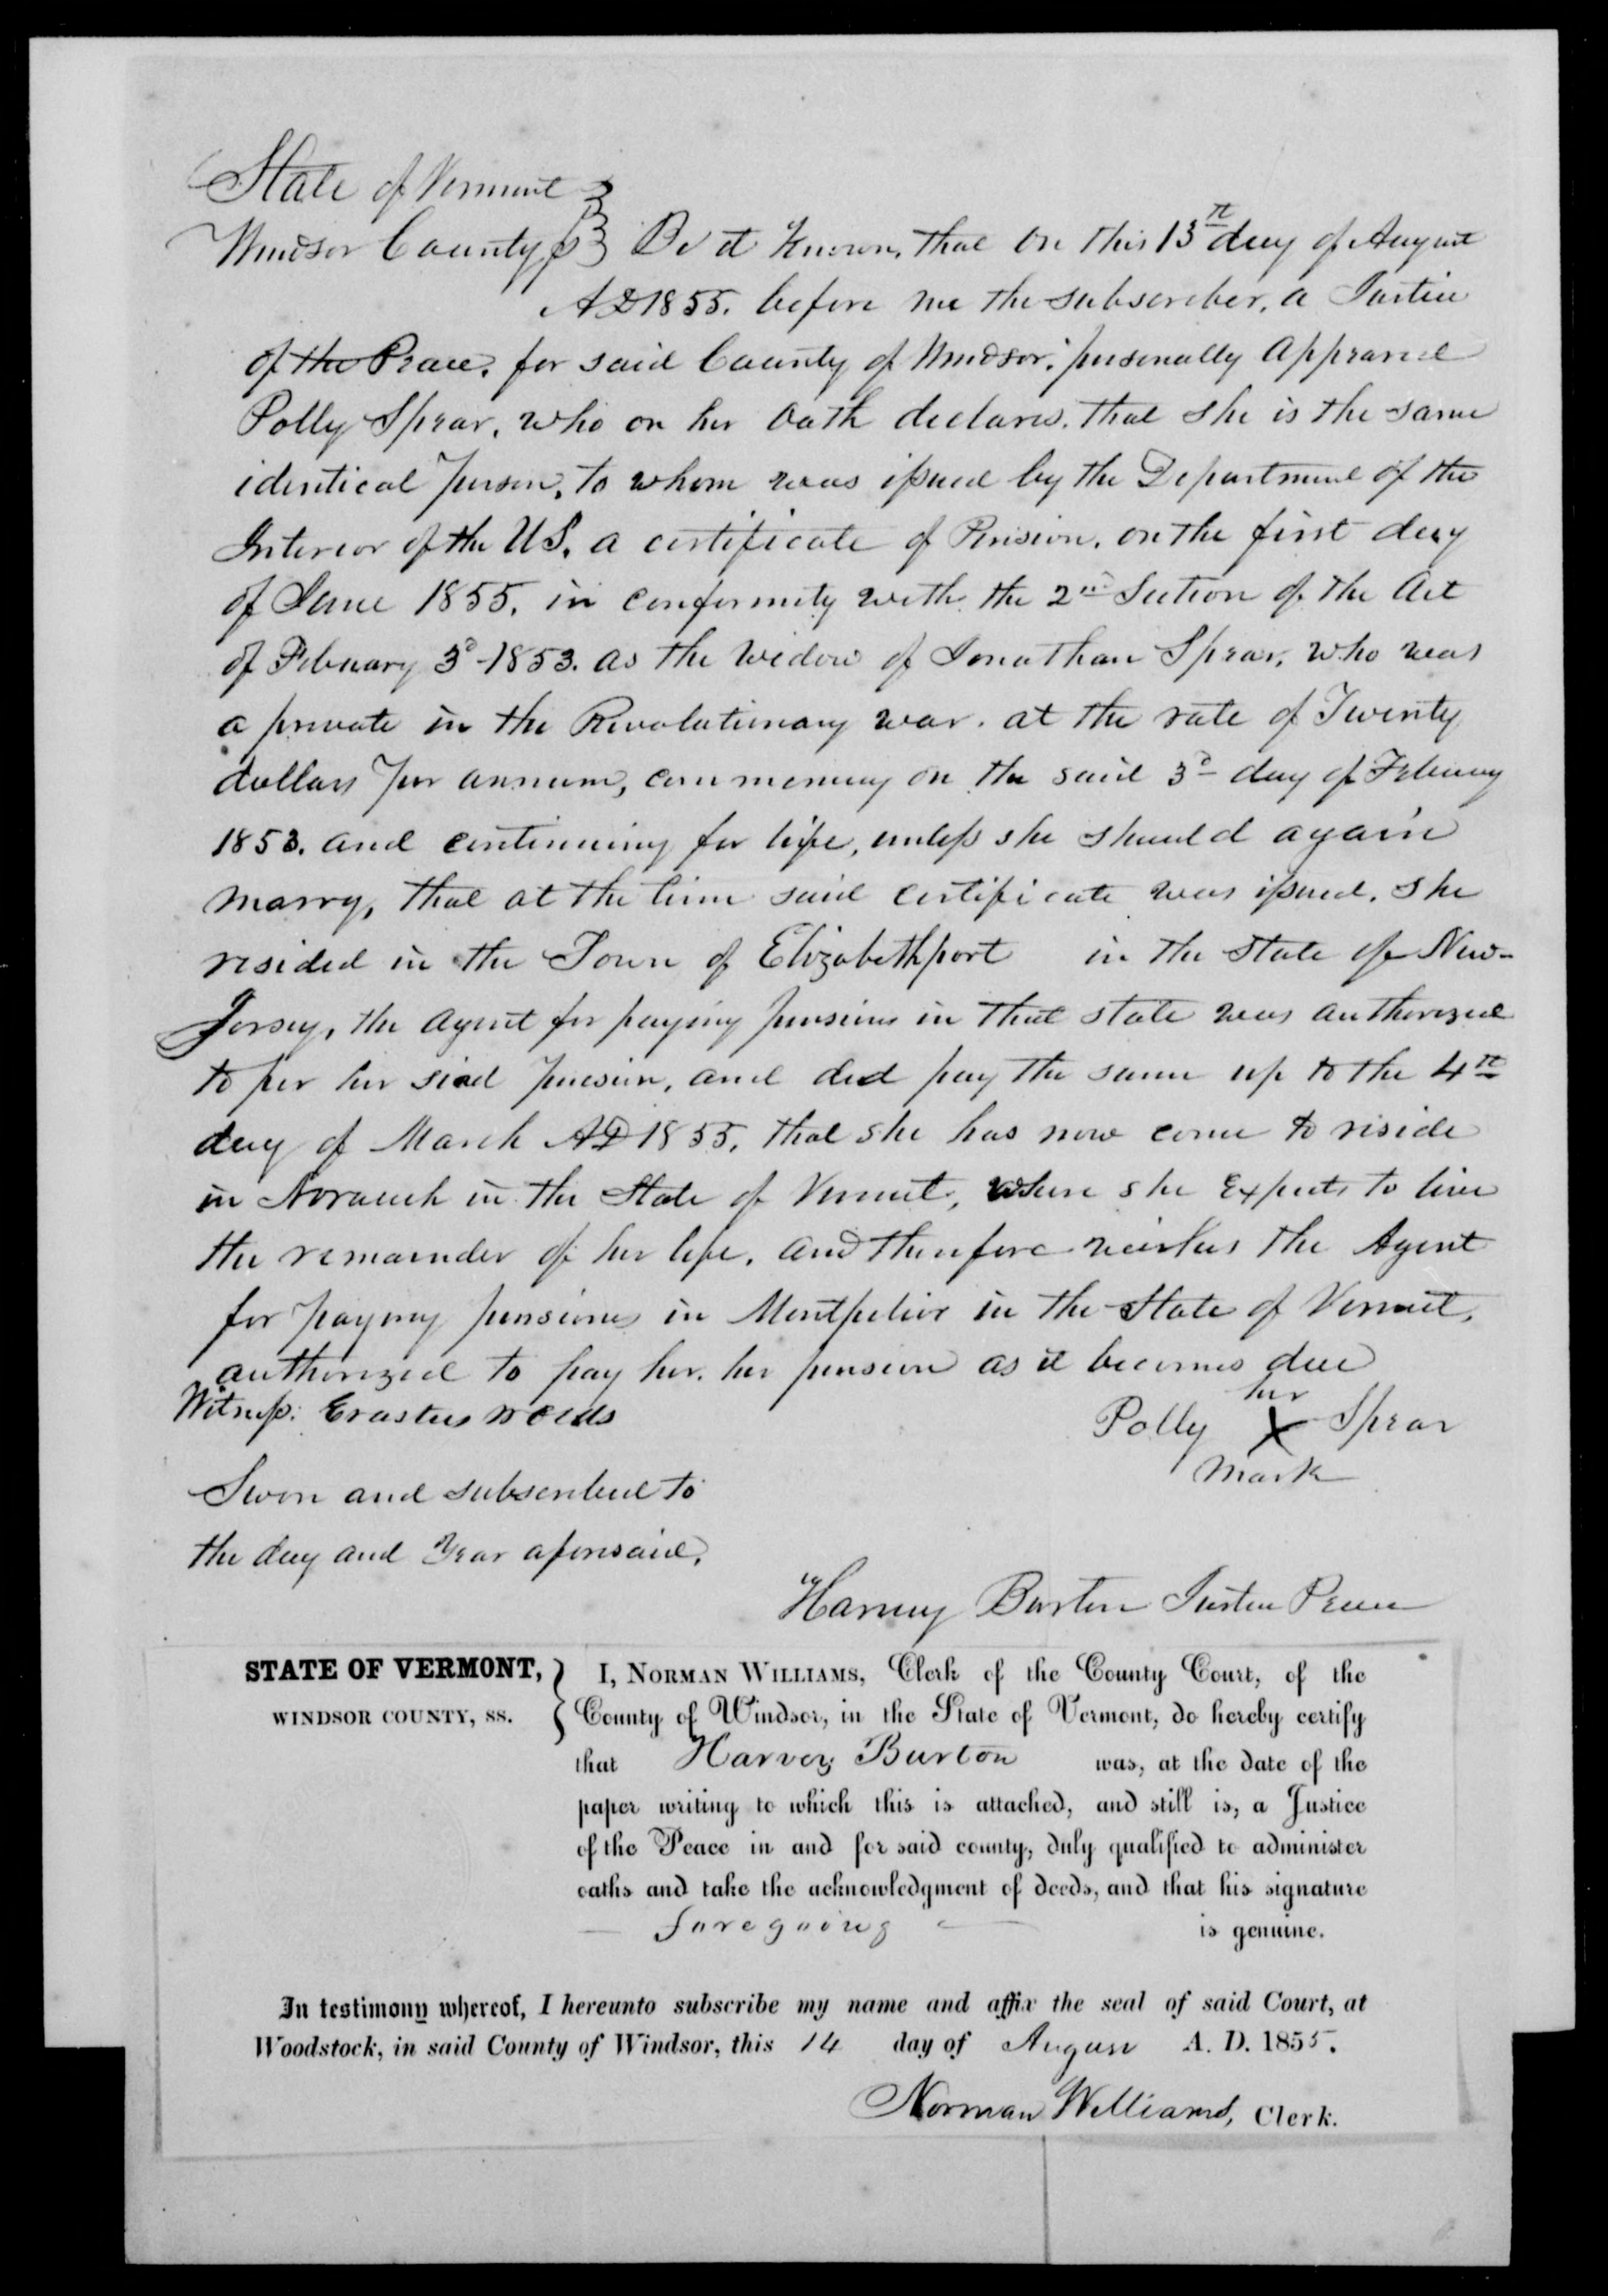State of Vermont
Windsor County ss } Be it known that on this 13th day of August AD 1855. before me the subscriber, a Justice of the Peace, for said County of Windsor, personally appeared Polly Spear, who on her oath declares, that she is the same identical person, to whom was issued by the Department of the Interior of the US, a certificate of Pension, on the first day of June 1855, in conformity with the  2nd Section of the Act of February 3d-1853. as the widow of Jonathan Spear, who was a private in the Revolutionary war. at the rate of Twenty dollars per annum, commencing on the said 3rd day of February 1853. and continuing for life, unless she should again marry, that at the time said certificate was issued, she resided in the Town of Elizabethport in the state of New Jersey, the agent for paying pensions in that state was  authorized to pay her said pension, and dd pay the same up to the 4th day of March AD 1855, that she has now come to reside in Norwich in the State of Vermont, where she expects to live the remainder of her life, and therefore wishes the Agent for paying pensions in Montpelier in the State of Vermont, authorized to pay her, her pension as it becomes due 
/s/X her mark Polly Spear
Witness: /s/Erastus Nords
Sworn and subscribed to the day and year aforesaid
/s/Harvey Burton Justice Peace

STATE OF VERMONT,
WINDSOR COUNTY, ss. } I, NORMAN WILLIAMS, Clerk of the County Court, of the County of Windsor, in the State of Vermont, do hereby certify that Harvey Burton was, at the date of the paper writing in which this is attached, and still is, a Justice of the Peace in and for said county, duly qualified to administer oaths and take the acknowledgment of deeds, and that his signature foregoing is genuine. 
[court seal affixed] In testimony whereof, I hereunto  subscribe my name and affix the seal of said Court, at Woodstock, in said County of Windsor, this 14 day of August A. D. 1855. 
/s/Norman Williams, Clerk.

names: Polly Spear; Jonathan Spear; Polly Spear; Harvey Burton; Harvey Burton; Norman Williams; Norman Williams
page: 57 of 65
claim: widow's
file: W. 7197, for Jonathan Spear, Vermont